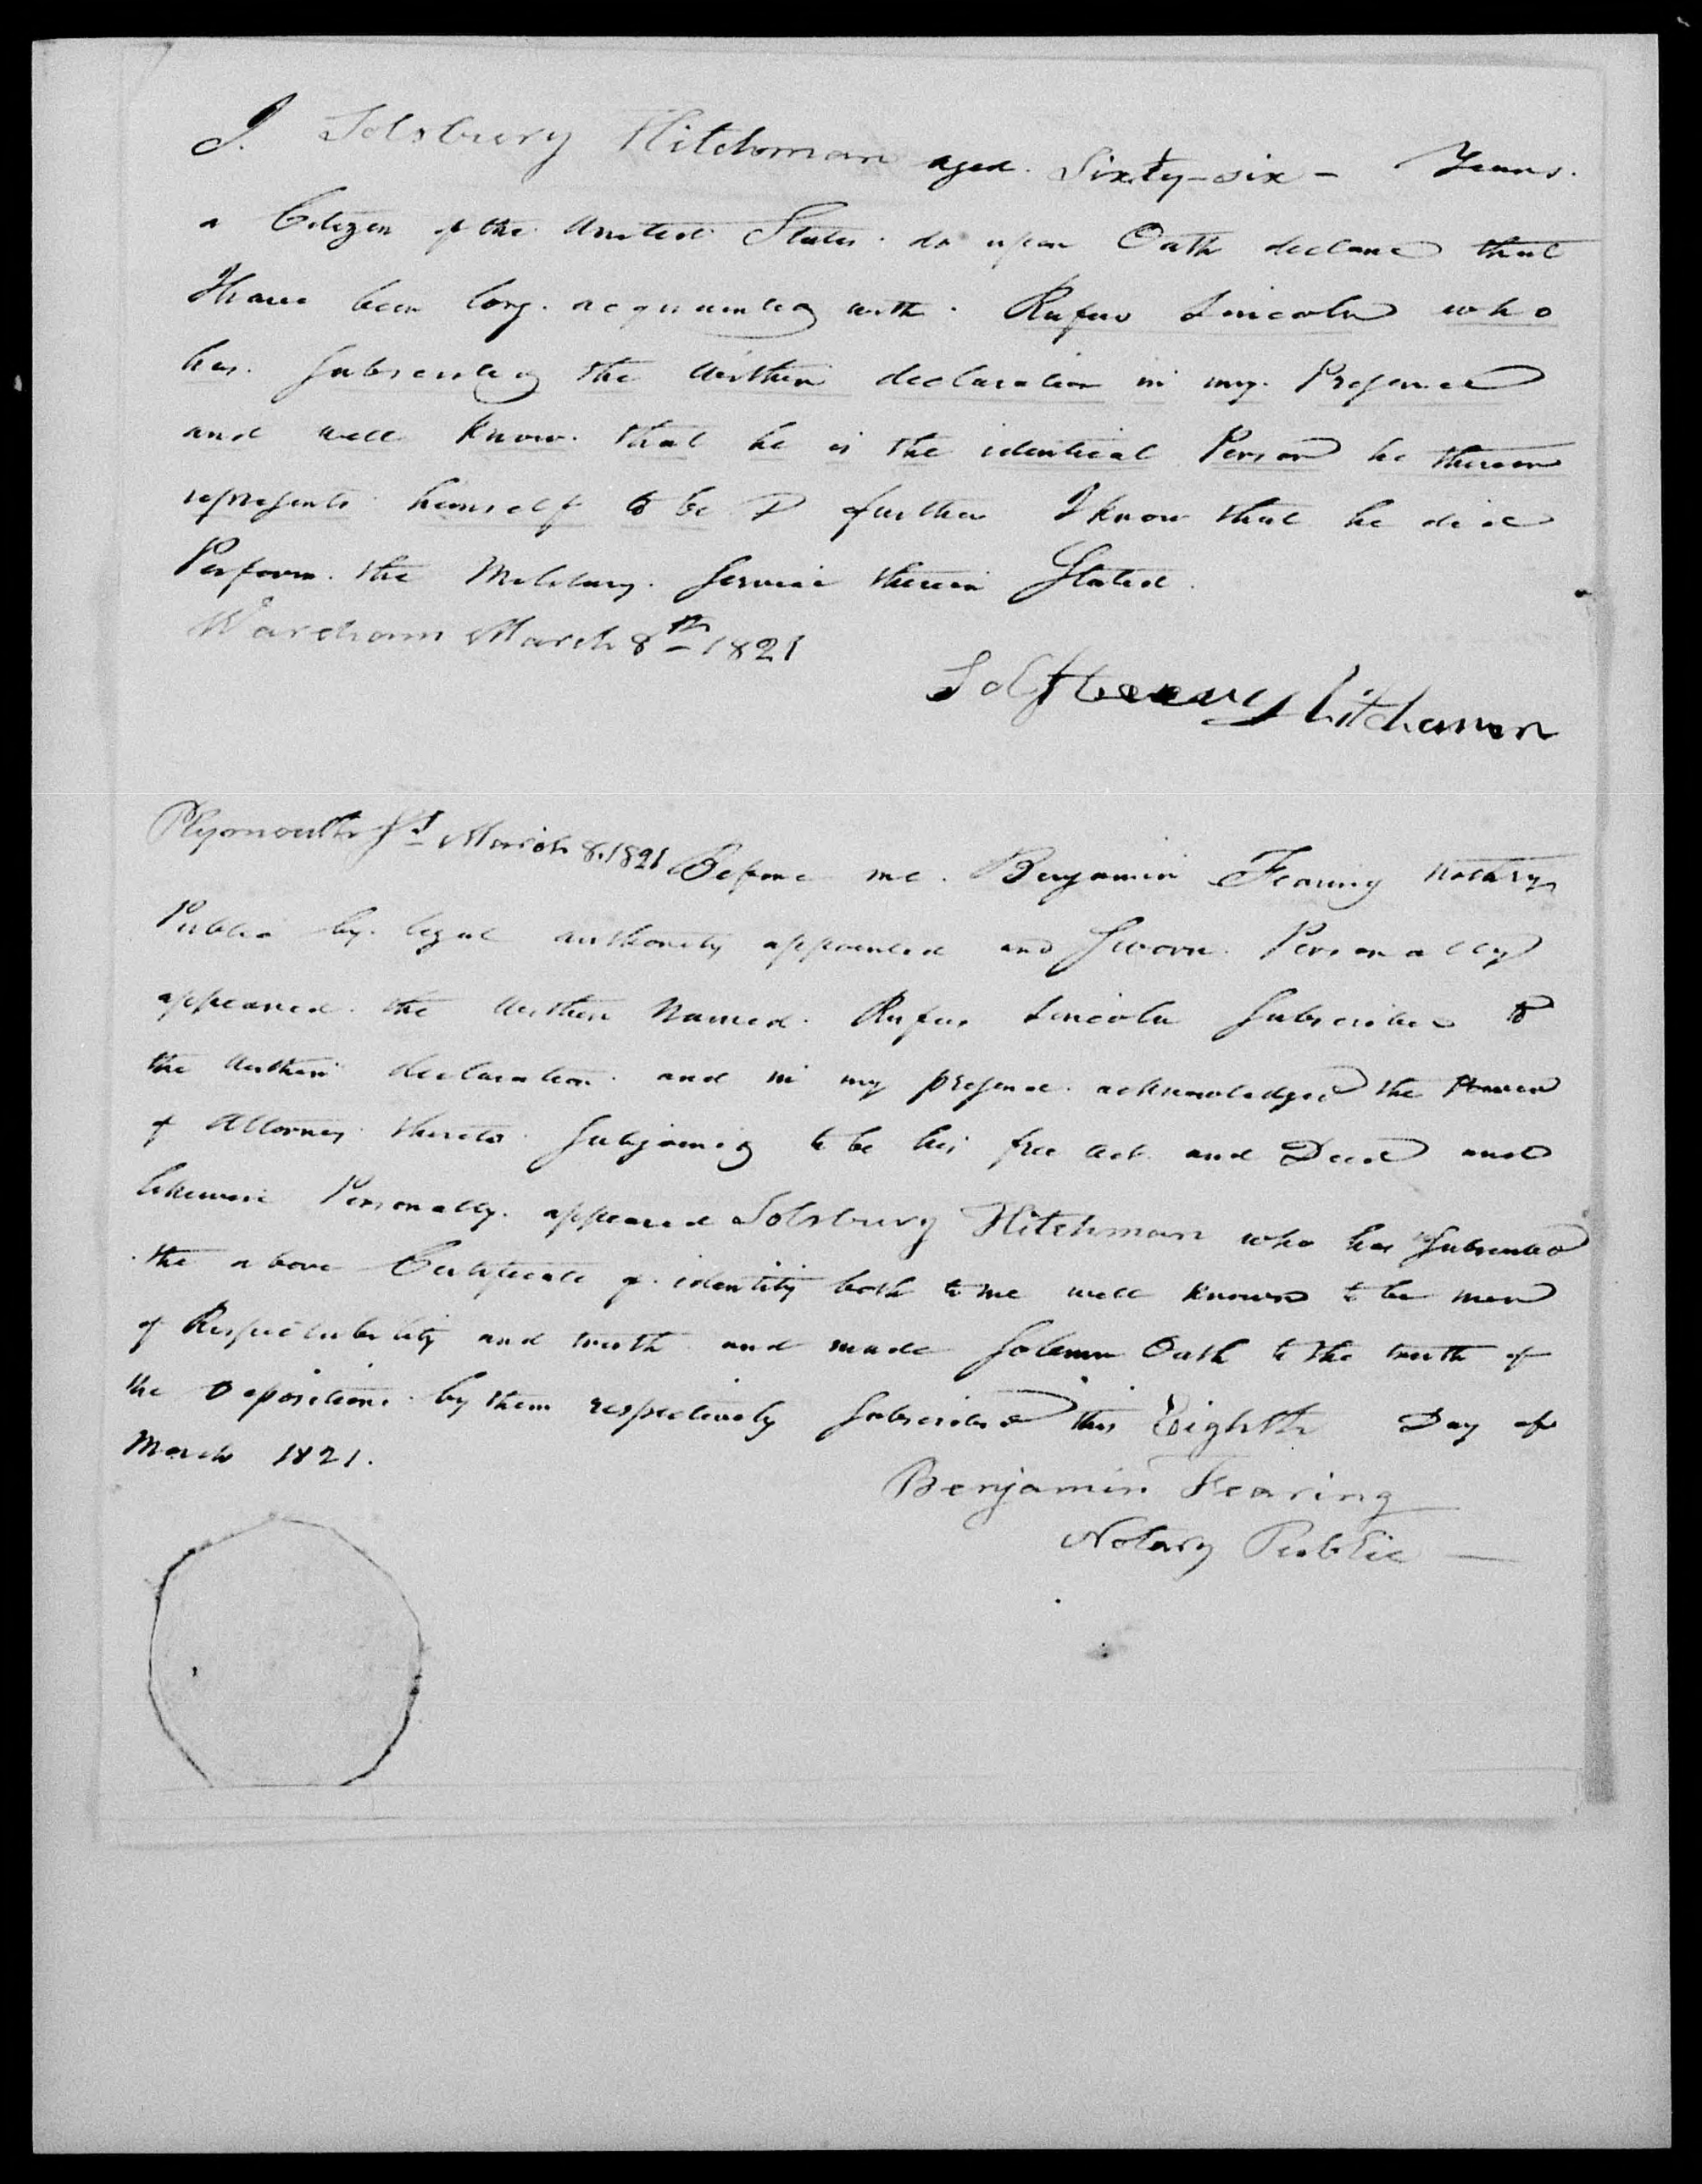J. Solsbury Hitchman aged Sixty-six years
Citizen of the United States do upon Oath declare that have been long acquainted with Rufus Lincoln who has subscribed the within declaration in my presence and well know that he is the identical person he therein represents himself to be & further I know that he did perform the military Service therein Stated   Wareham March 8th 1821 
Solsbury Hitchman

Plymouth ss. March 8. 1821 before me Benjamin Fearing Notary Public by legal authority appointed and sworn personally appeared the within named Rufus Lincoln Subscribed to the within declaration and in my presence acknowledged the presence of
Attorney thereto subjoining to be his free act and Deed and likewise personally appeared Solsbury Hitchman who has subscribed the above Certificate of identity both to me well known to be men of Respectability and truth and made solemn oath to the truth of
the deposition by them respectively subscribed this Eighth Day of March 1821.
Benjamin Fearing
Notary Public -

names: Solsbury Hitchman; Rufus Lincoln; Benjamin Fearing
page: 25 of 82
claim: widow's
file: W. 13,634, for Rufus Lincoln, Massachusetts